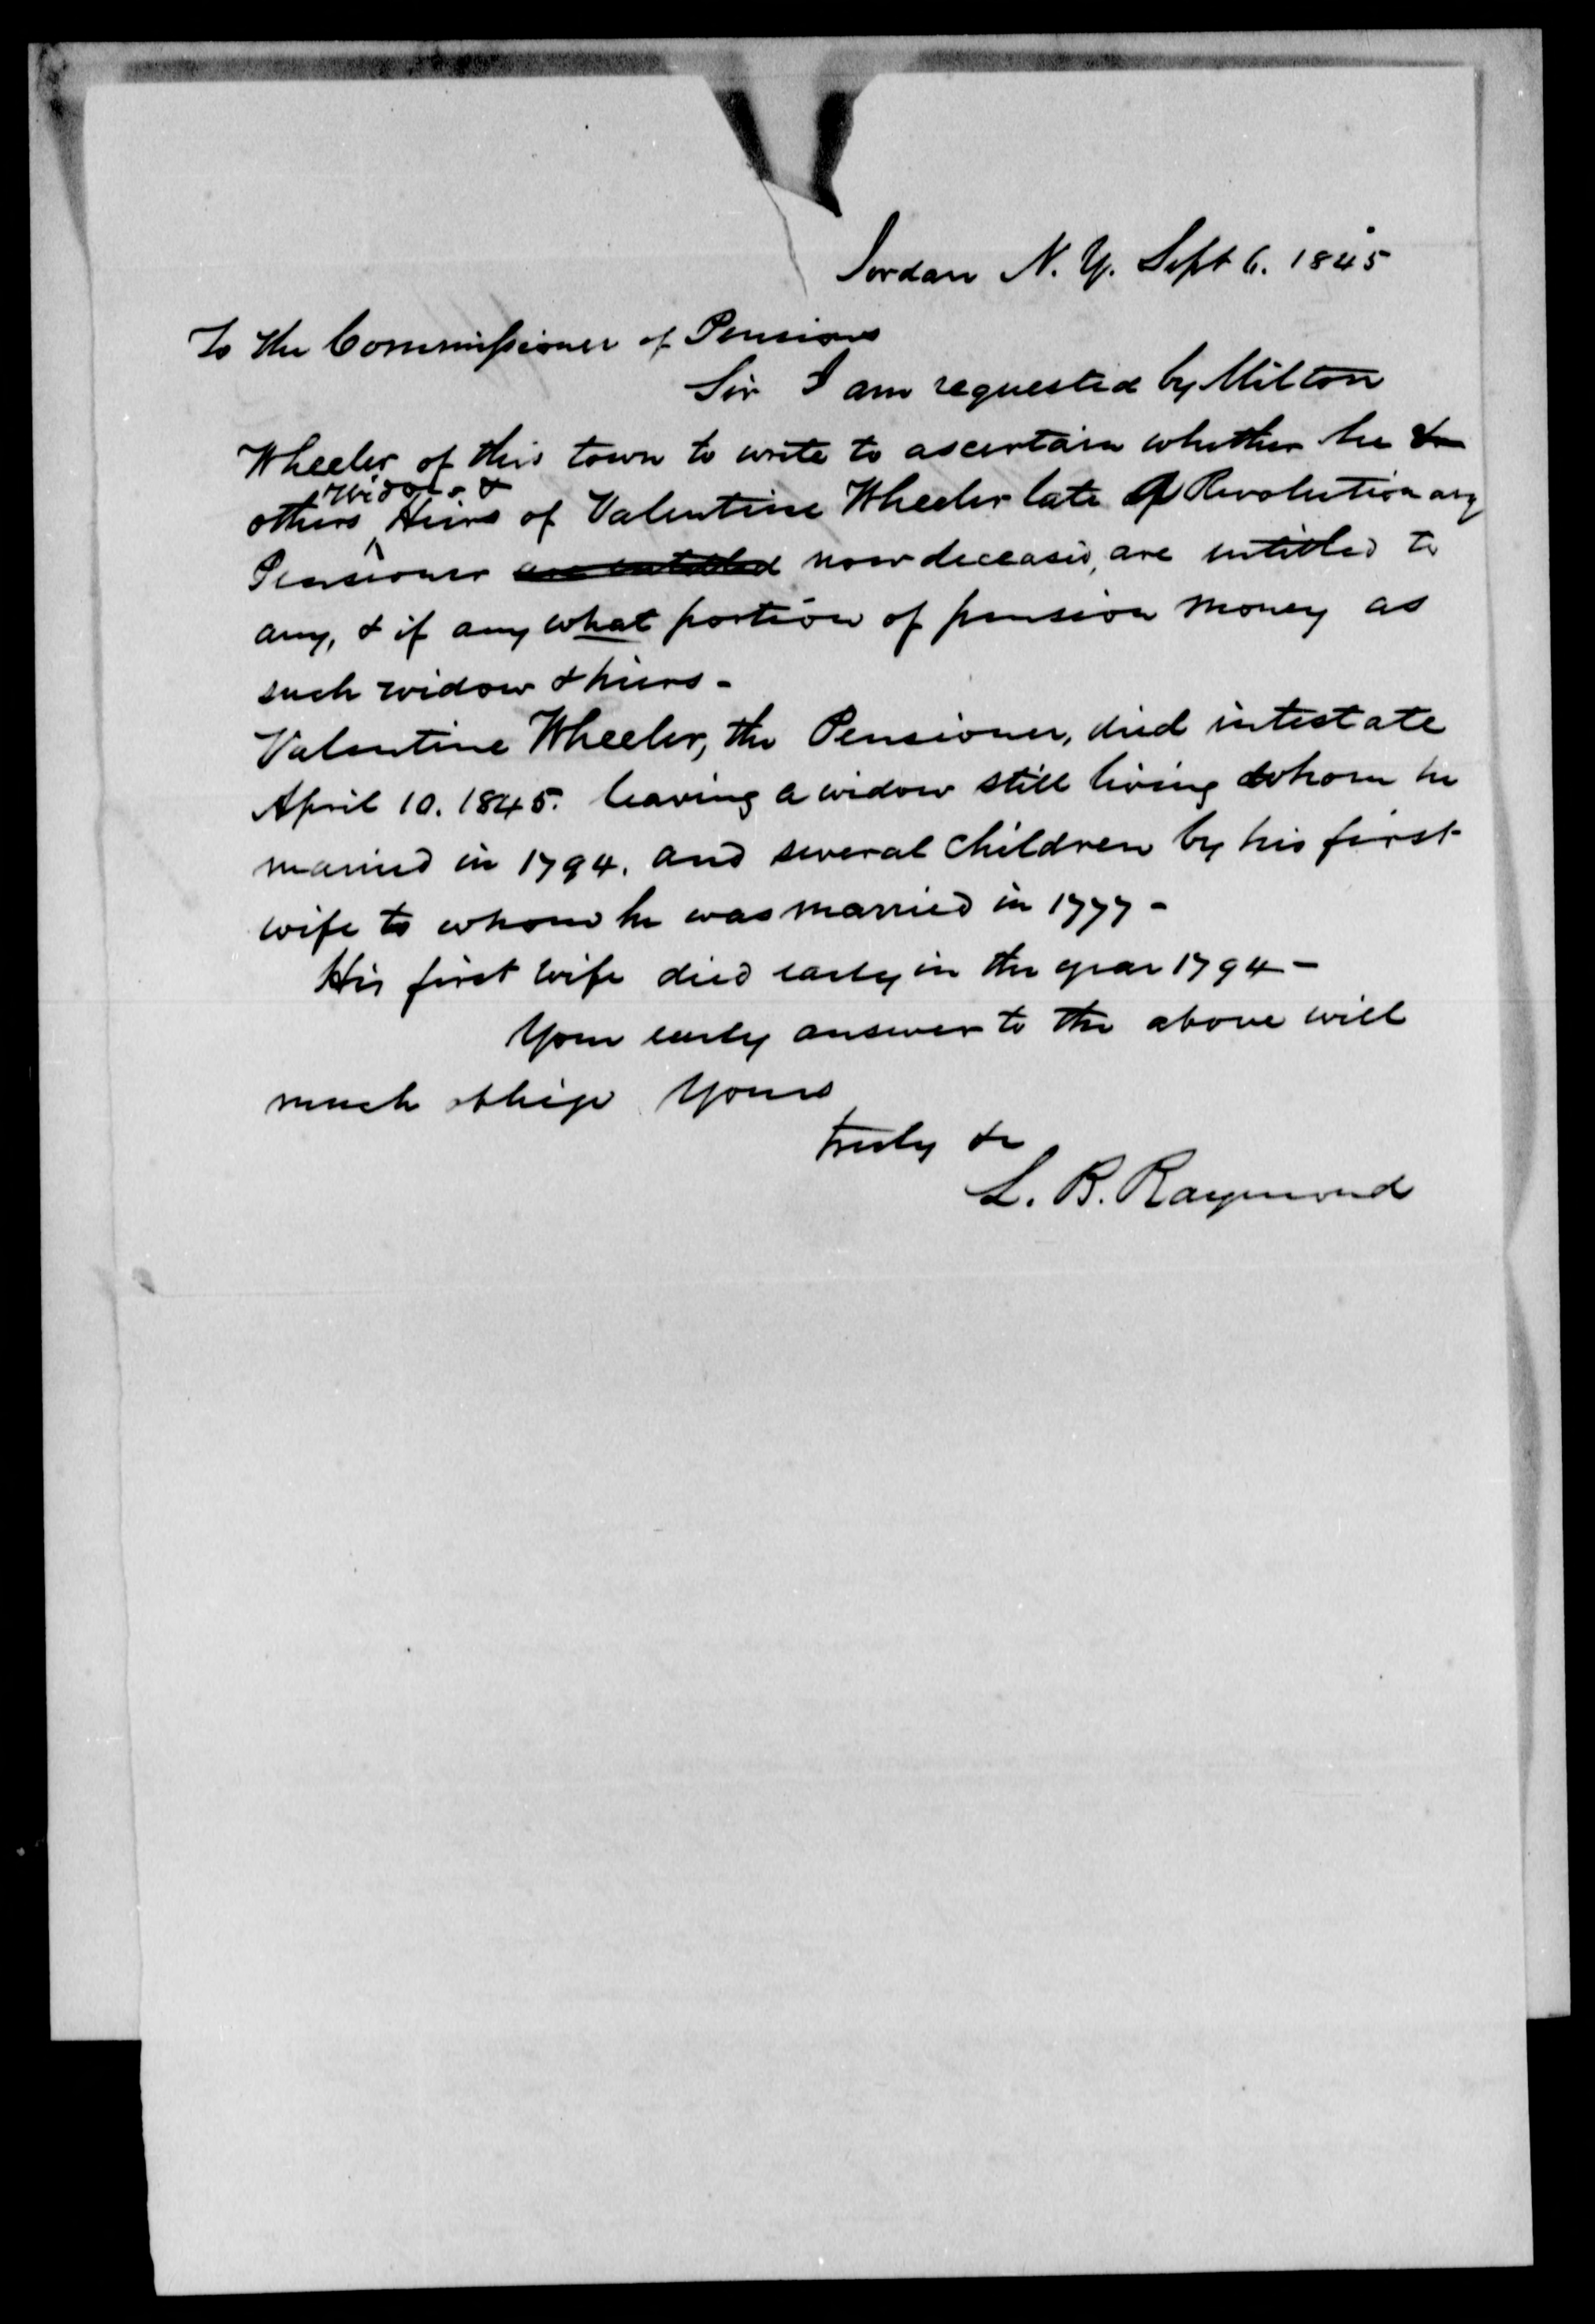Jordan N. Y. Sept. 6, 1845

To the Commissioner of Pensions

Sir, I am requested by Milton Wheeler of this town to write to ascertain whether he & others,  Widow & Heirs of Valentine Wheeler late a Revolutionary Pensioner now deceased are entitled to any & if any what portion of pension money as such widow & heirs.
Valentine Wheeler the Pensioner died intestate April 10 1845, leaving a widow still living whom he married in 1794, and several children by his first wife to whom he was married in 1777.
His first wife died early in the year 1794.
Your early answer to the above will much oblige.
Yours truly &c.
L. R. Raymond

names: Milton Wheeler, Valentine Wheeler, L R Raymond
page: 80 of 98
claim: widow's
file: W. 1682, Valentine Wheeler, Mass.